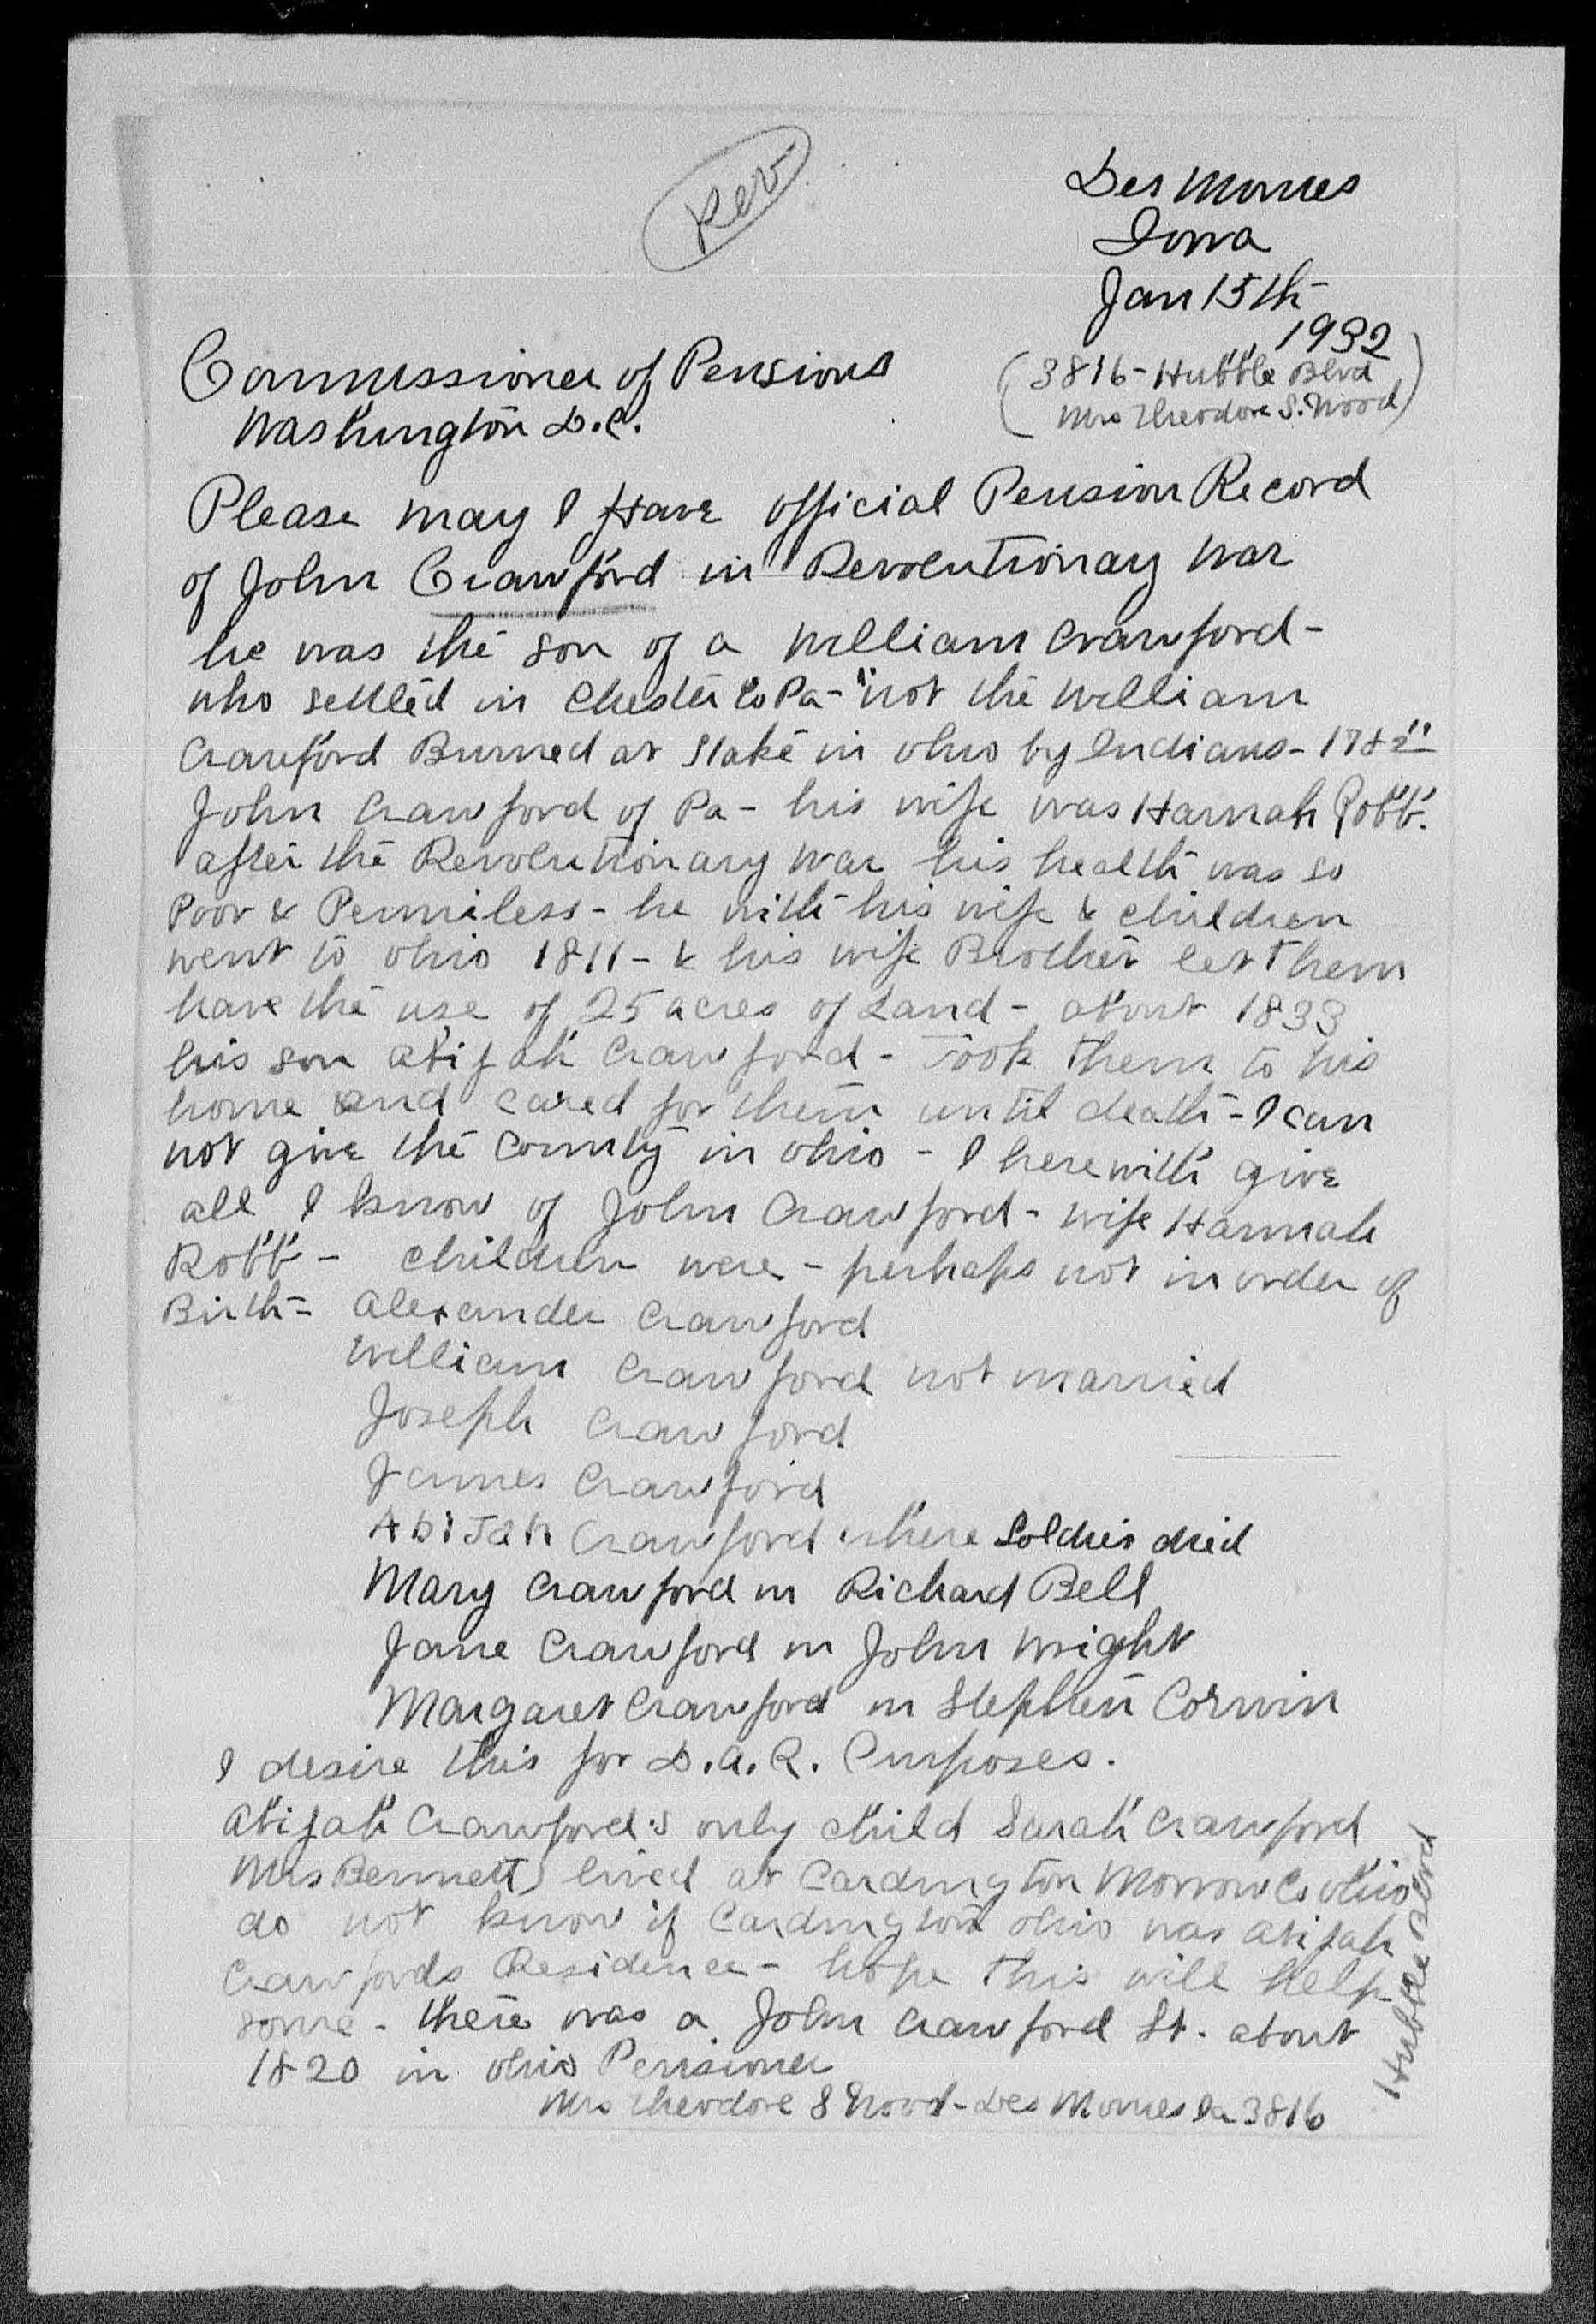Rev
Des Moines Iowa
Jan 15th 1932
3816 Hubble 12
Mrs Theodore S. Wood

Commissioner of Pensions
Washington D.C.

Please may I have official Pension Record of John Crawford in Revolutionary war. He was the son of a William Crawford who settled in Chester Co Pa -not the William Crawford Burned at Stake in who by Indians - 1782. John Crawford of Pa-his wife was Hannah Robb after the Revolutionary war his health was so poor & Penniless, he with his wife & children went to Ohio 1811 - & his wife Brother let them let are the use of 25 acres of Land about 1833 is son Abijah Crawford took them to his home and cared for them until death-- I cannot  give the County in Ohio. I herewith give all I know of John Crawford - wife Hannah Robb children were -- perhaps not in order of birth
Alexander Crawford
William Crawford not married
Joseph Crawford
James Crawford
Abijah Cranford there soldier died
Mary Crawford in Richard Bell
Jane Crawford in John Wright
Margaret Crawford in Stephen Corwin

I desire this for D.A.R. Purposes

Abijah Crawford only child Sarah Crawford Mrs Bennett lived at Cardington in Morrow Co Ohio do not know if Cardington Ohio was Abijah Crawford's Residence; hope this will help some - there was a John Crawford Sr. about 1820 in Ohio Pensioner
Mrs Theodore Wood-Des Moine Ia to 3816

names: John Crawford, Bennett, William Crawford, Joseph Crawford, Jane Crawford, Margaret Crawford, John Crawford, John Crawford, Theodore S Wood, John Crawford, William Crawford, Mary Crawford, Sarah Crawford, Richard Bell, Abijah Crawford, Hannah Robb, John Wright, Abijah Crawford, Alexander Crawford, Stephen Corwin, William Crawford, Abijah Crawford, John Crawford, James Crawford, Theodore S Wood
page: 73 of 80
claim: widow's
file: W 2070, John Crawford, Penn.